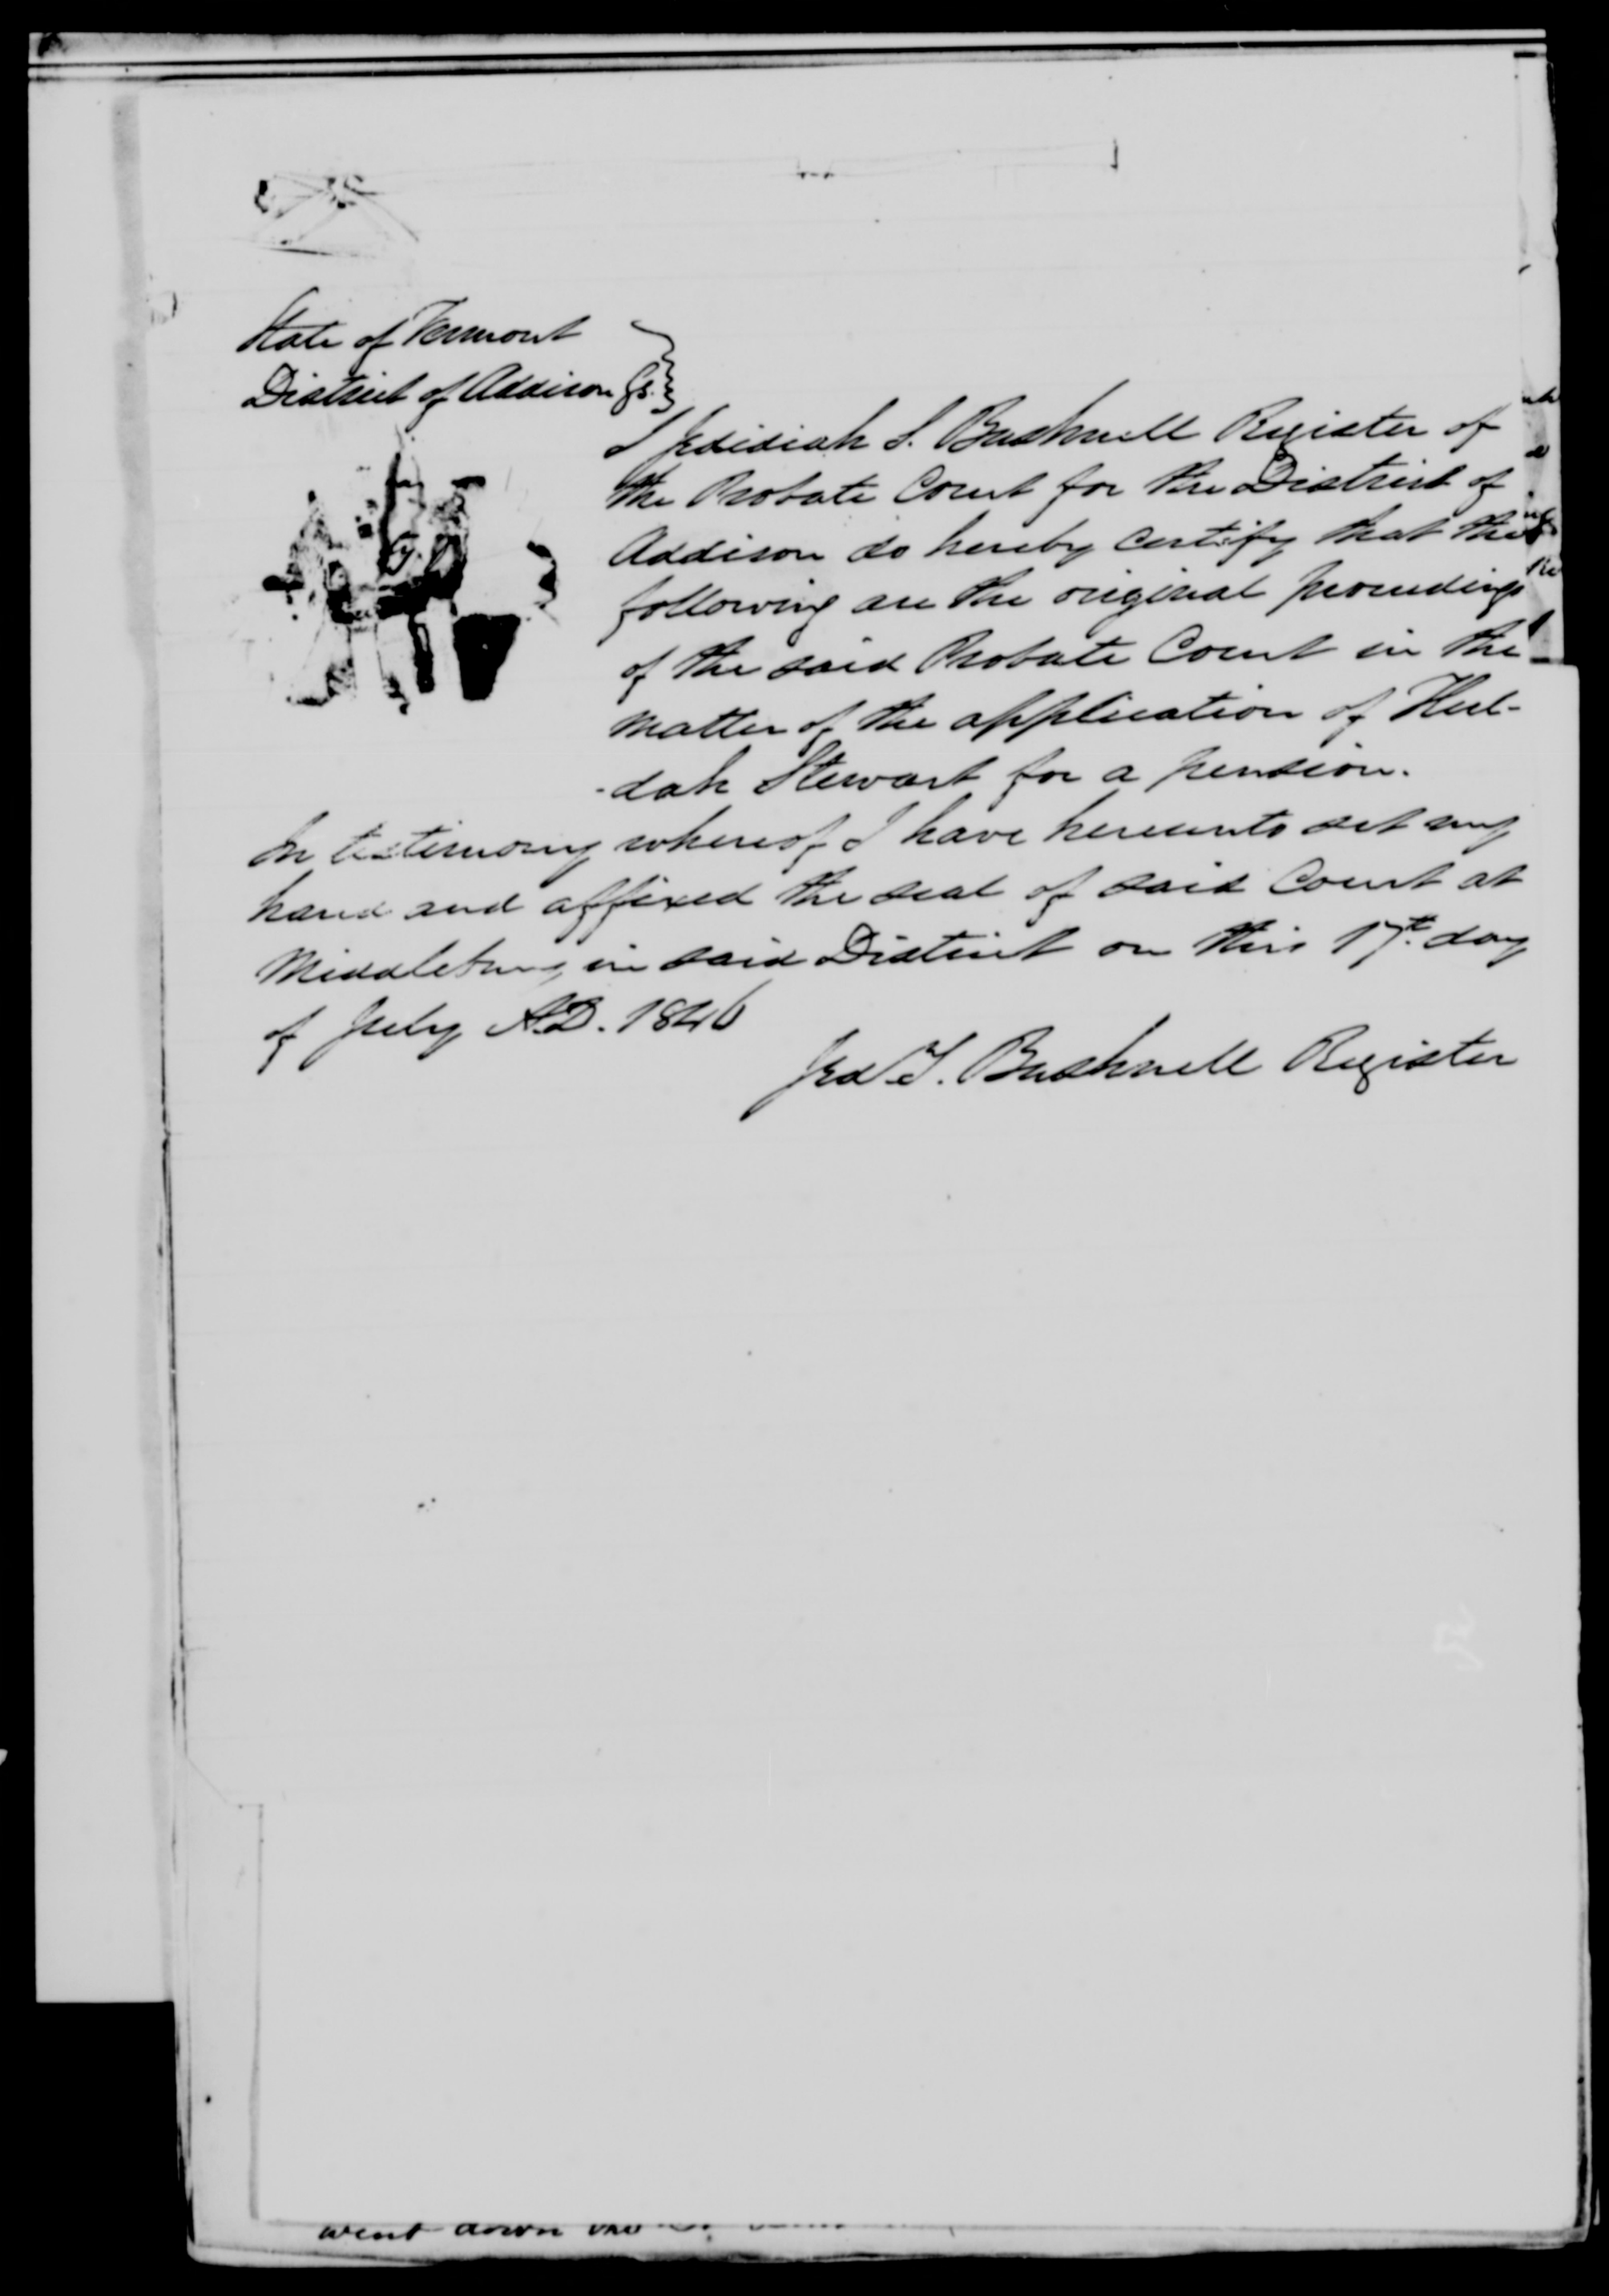State of Vermont
District of Addison & Josiah Bushnell Register of
the Probate Court for the District of
Addison do hereby certify that the
following on the original proceding
matter of the application of Huldah Stewart for a pension.
In testimony whereof I have hereunto set my
hand and affixed the seal of said Court at
Middleton in said District on this 17th day
of July A.D. 1846
[Signature] J. T. Bushnell Register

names: Jed S Bushnell; Jedidiah S Bushnell; Huldah Stewart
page: 3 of 26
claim: rejected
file: R. 10,154, for John Stewart, New Hampshire